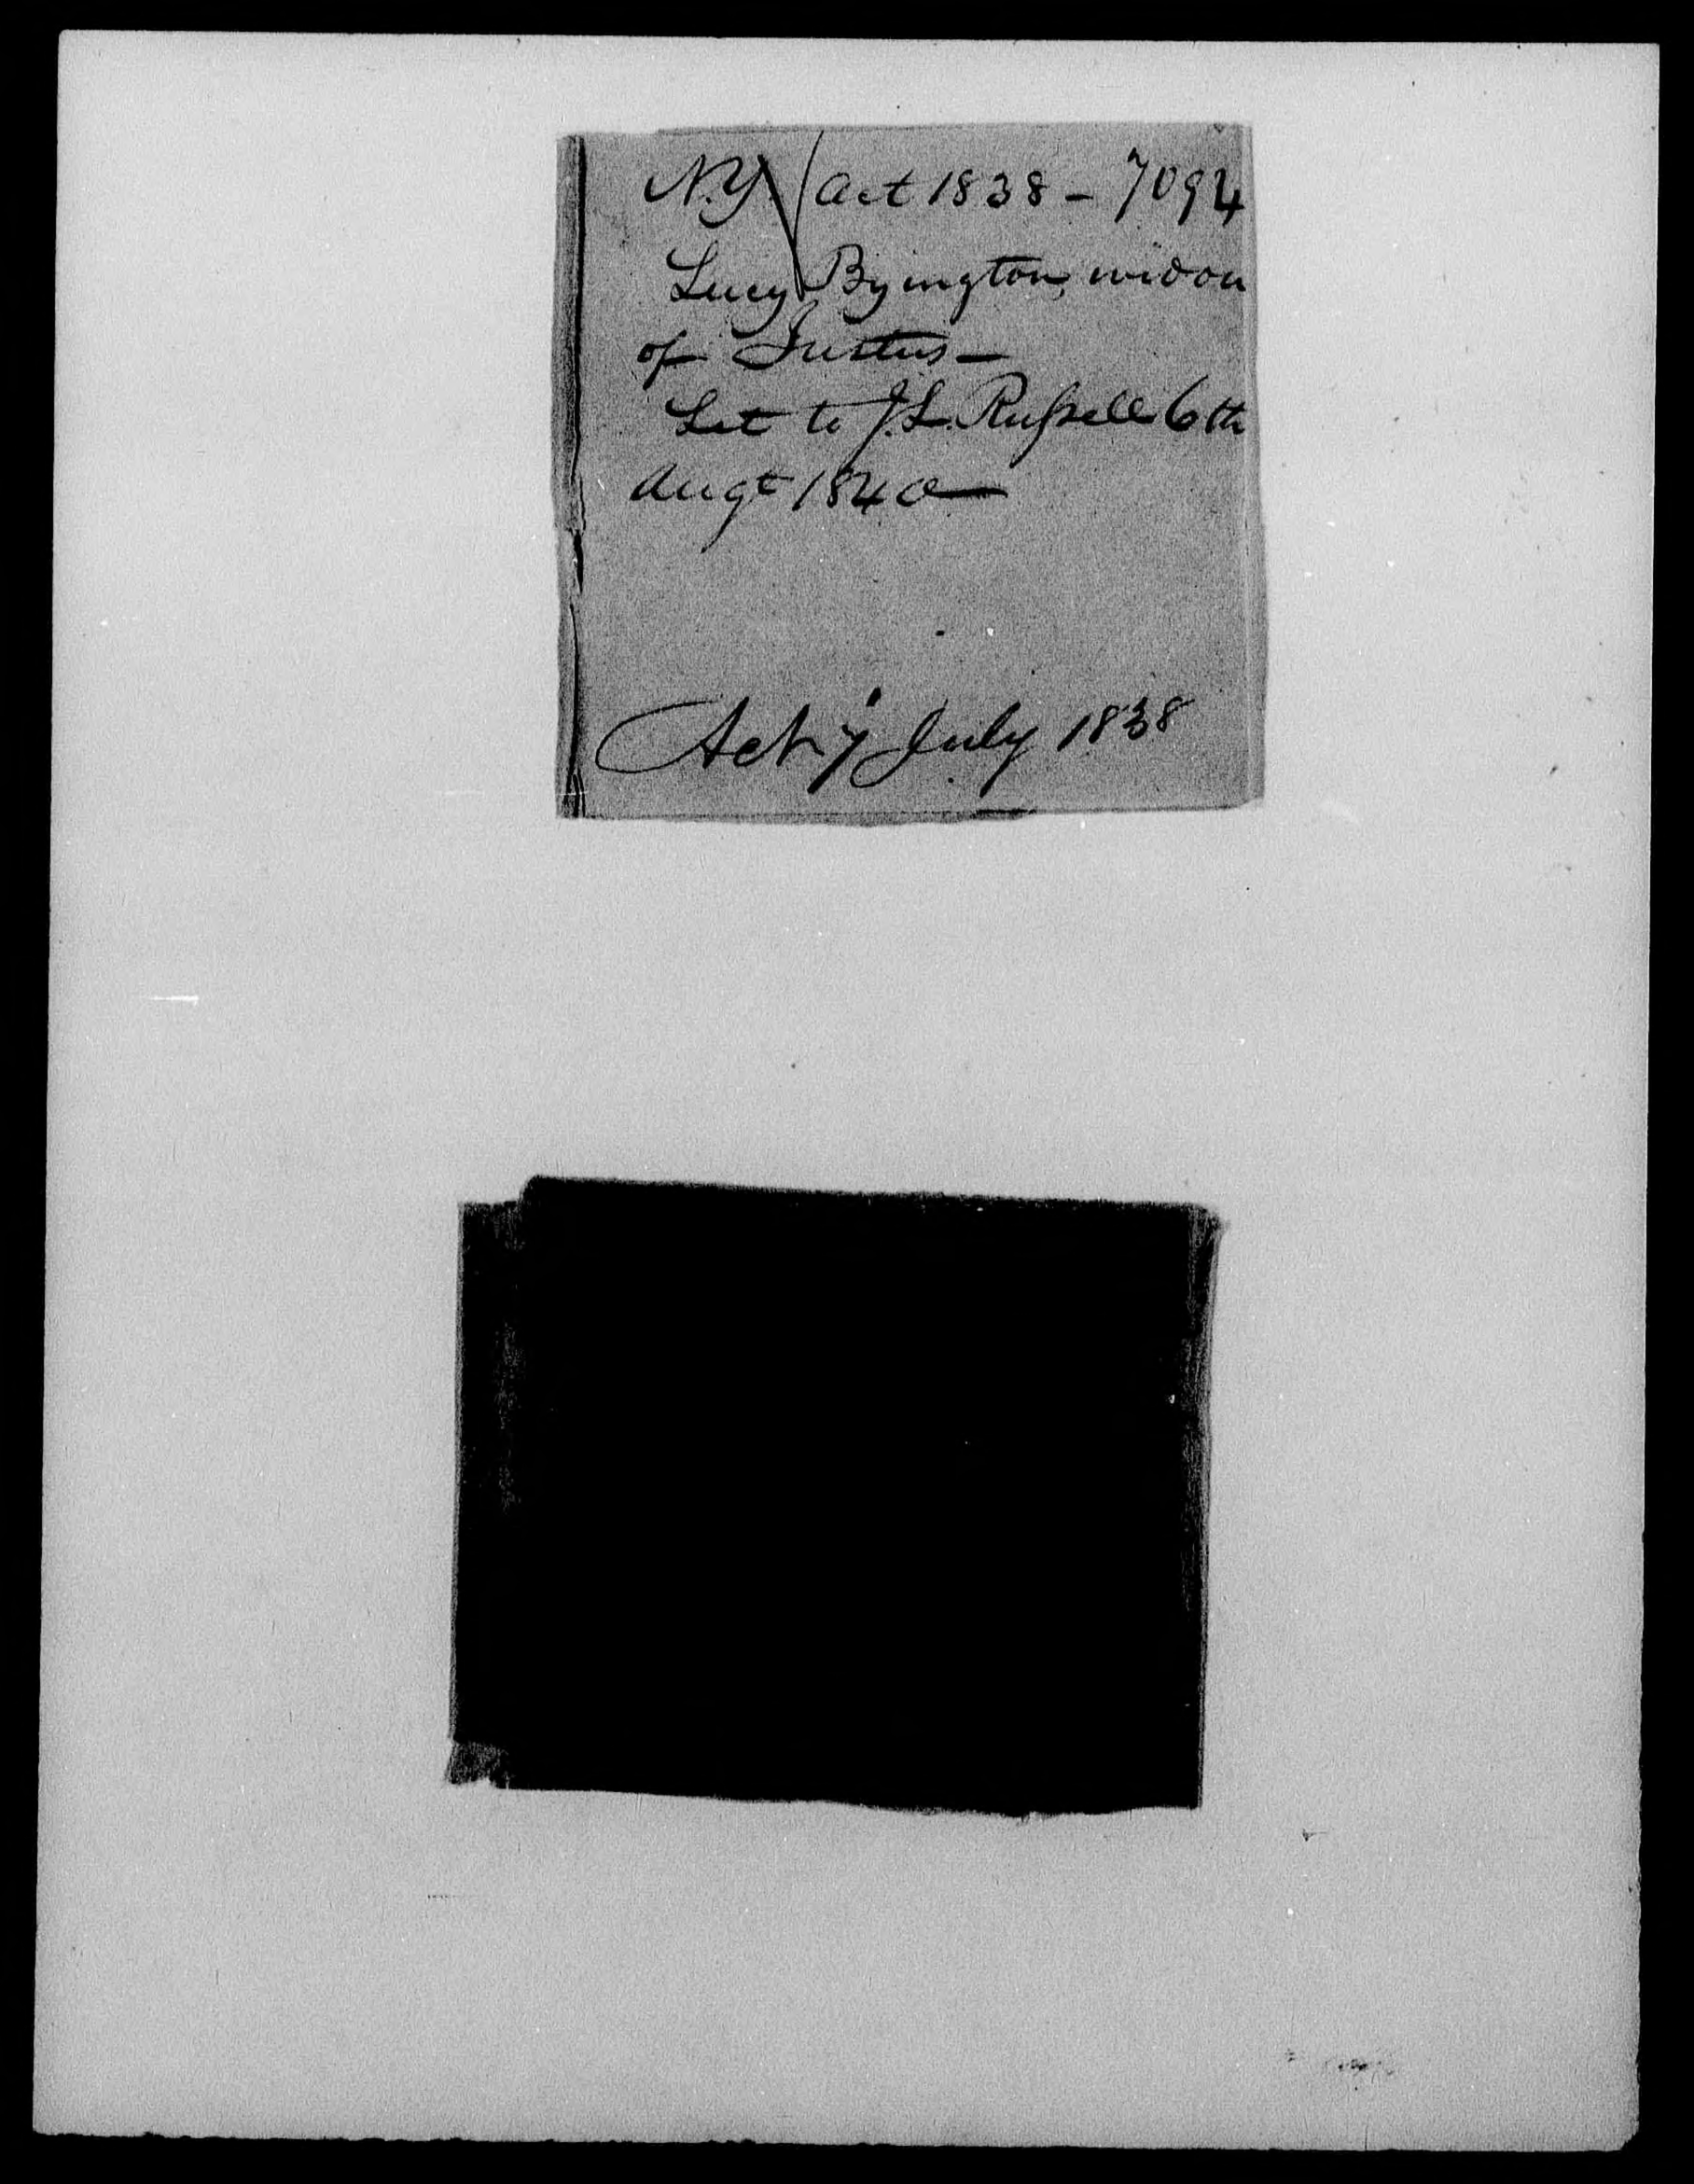N.Y. Act 1838 - 094
Lucy Byington, widow
of Justus
Let to J.L. Russell 6th
Augt 1840

Act 7 July 1838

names: Lucy Byington, J L Russell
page: 26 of 79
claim: widow's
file: W. 23754, Justus Byington, Conn.